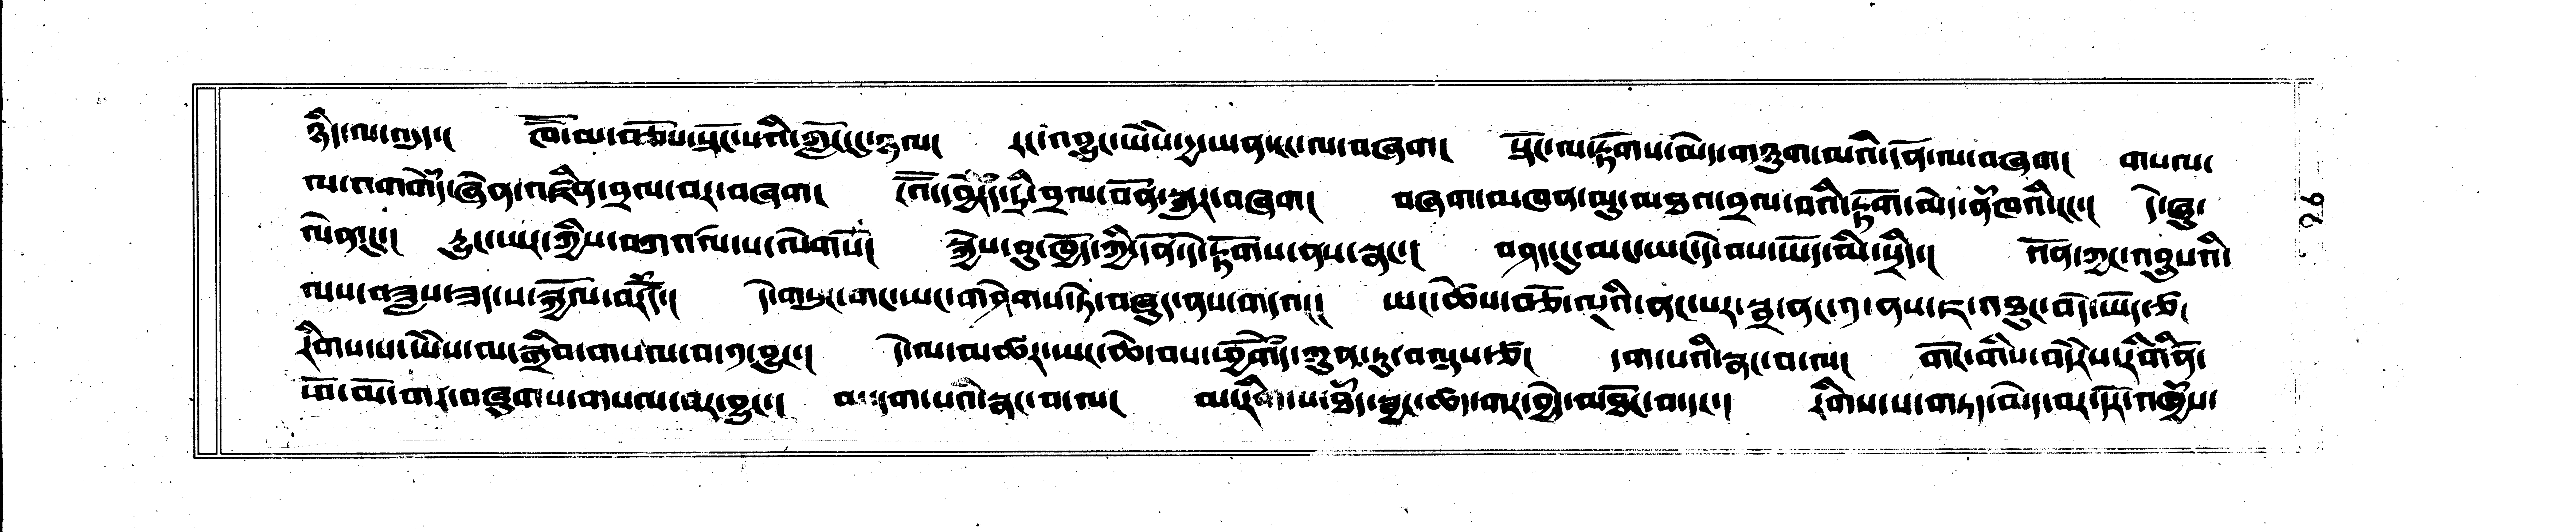ཉིད་ལ་འདུད། ཁོ་བོ་མ་བཅོས་སྟོང་པའི་ཀློང་དུ་ཉལ། རང་འབྱུང་ཡེ་ཤེས་རྒྱ་ཡན་ངང་ལ་བཞག སྟོང་ལ་རྟོགས་མེད་གཉུག་མའི་དོན་ལ་བཞག གསལ་
ལ་འགག་མེད་ཞེན་འཛིན་བྲལ་བར་བཞག ངོ་བོ་དབྱེར་མེད་དྲི་བྲལ་བོན་སྐུར་བཞག བཞག་མཁན་མུ་མཐའ་བྲལ་བའི་རྟོག་མེད་ནམ་མཁའི་ངང་། དེ་ཞུ་
ལེན་དུ། རྒྱུང་ཡར་ཀྱིས་བཀའ་སྩལ་པ་ལེགས་སོ། སྐྱེས་བུ་ཁྱོད་ཀྱི་དོན་དེ་རྟོགས་ནས་སྣང་། བཤད་དུ་མང་ཡང་དེ་བས་ཡོད་མི་སྲིད། འོན་ཀྱང་འབྲས་བུའི་
ས་བཟླས་ཟད་ས་སྐྱོལ་བར་མཆོད། དེ་གསུངས་གང་ཡང་གཤེགས་ཏེ་བཞུད་ནས་གདའ།། ཡང་ཚེས་བཅོ་ལྔའི་ནང་པར་སྦྲ་ནང་གཅིག་ནས་ཇ་འཐུང་བདེ་ཡོད་ཙ་
རིག་པ་ཡེ་ཤེས་མ་སྒྲིབ་གསལ་བ་གཅིག་བྱུང་། དེ་ལ་མཚར་ཡང་ཆེ་བས་ཕྱོགས་མེད་ཀུན་ཏུ་བལྟས་ཙ། དག་པའི་སྣང་བ་ལ། གོང་གིས་བདེར་གཤེགས་རིག་འཛིན་
ཕོ་མོ་གར་བཞུགས་གསལ་བར་བྱུང་། མ་དག་པའི་སྣང་བ་ལ། མ་རིག་པ་ཐམས་ཅད་སྦྱང་ཚད་གར་བྱེད་མཐོང་བ་དང་། རིགས་པ་གཏད་མེད་བར་དོར་འཁྱམས་